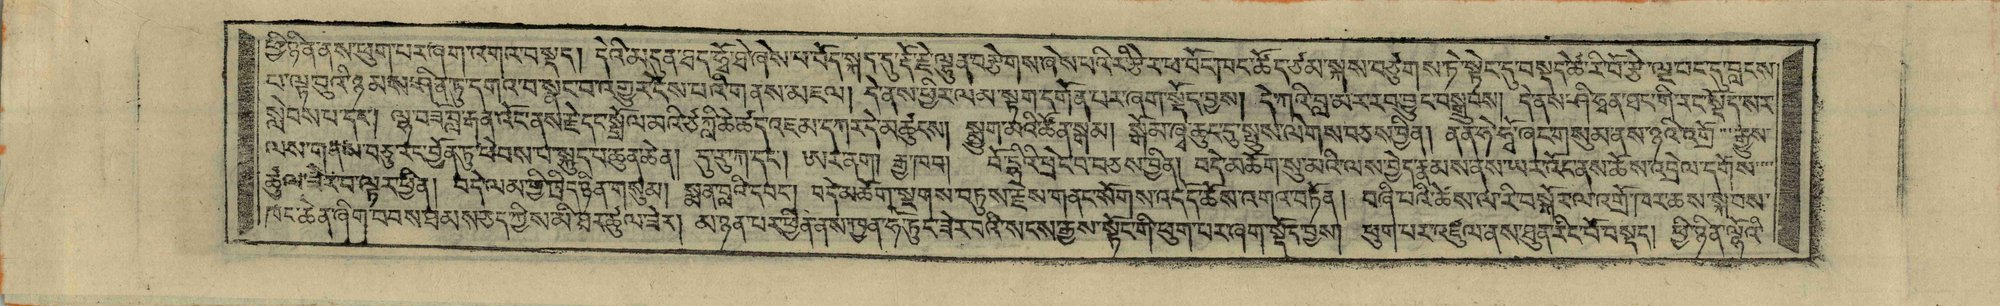ཕྱི་ཉིན་ནས་ཕུག་པར་ཞག་འགའ་བསྡད། དེའི་མདུན་ཐད་ཧྭོ་ཐེ་ཞེས་པ་བོད་སྐད་དུ་རྡོ་རྗེ་ལྷུན་བརྩེགས་ཞེས་པའི་རི་རྩེར་ཕ་བོང་ཁང་ཚོད་ཙམ་སྐས་བཙུགས་ཏེ་སྟེང་དུ་བསྡད་ཚེ་རི་བོ་རྩེ་ལྔ་པང་དུ་བླངས་
པ་ལྟ་བུའི་ཉམས་ཤིན་ཏུ་དགའ་བ་སྣང་བ་འགྱུར་དེས་བའི་གནས་མཇལ། དེ་ནས་ཕྱིར་ལམ་སྟག་དགོན་པར་ཞག་སྡོད་བྱས། དེ་ཀའི་བླ་མར་རབ་བྱུང་བསྒྲུབས། དེ་ནས་ཤི་ཧྭན་ཐང་གི་རང་སྡོད་སར་
སླེབས་པ་དང་། ལྷ་བཟོ་བླ་རྒན་འོང་ནས་རྗེ་དང་སྒྲོལ་མའི་ཙཀླི་ཆེ་ཚད་འཇམ་དཀར་དེ་མཚུངས། སྨྱུག་མའི་ཚོན་སྒམ། སྒོམ་ཞྭ་ཆུང་ངུ་སྤུས་ལེགས་བཅས་བྱིན། ནན་ཧེ་ཧྭོ་ཞང་གསུམ་ནས་ཉའི་འགྲོ་རྒྱུས་
ལས་གནས་བཅུ་རང་བྱོན་ཏུ་ཕེབས་པ་སྐུད་པ་ཆུན་ཆེན། དུ་རུ་ཀ་དང་། ཨར་ནག ། རྒྱ་ཁབ། བོ་དྷྲིའི་ཕྲེང་བ་བཅས་བྱིན། བདེ་མཆོག་སུ་མའི་ལས་བྱེད་རྣམས་ནས་ཡར་འོང་ནས་ཆོས་འབྲེལ་དགོས་
ཚུལ་ཟེར་བ་ལྟར་ཕྱིན། བདེ་ལམ་གྱི་ཁྲིད་ཉིན་གསུམ། སྨན་བླའི་དབང་། བདེ་མཆོག་སྔགས་བཏུས་རྗེས་གནང་སོགས་འདོད་ཆོས་འགའ་བཏོན། བཞི་བའི་ཚེས་ལ་རི་བསྐོར་ལ་འགྲོ་ཁར་ཆས་སྐབས་
ཁང་ཆེན་ཞིག་བབས་ཐམས་ཅད་ཀྱིས་མི་ཐར་ཚུལ་ཟེར། མ་ཉན་པར་ཕྱིན་ནས་ཁྱན་ཧོ་ཏུང་ཟེར་བའི་སངས་རྒྱས་སྟོང་གི་ཕུག་པར་ཞག་སྡོད་བྱས། ཕུག་པར་འཛུལ་ནས་ཐུན་རིང་པོ་བསྡད། ཕྱི་ཉིན་ལྷོའི་